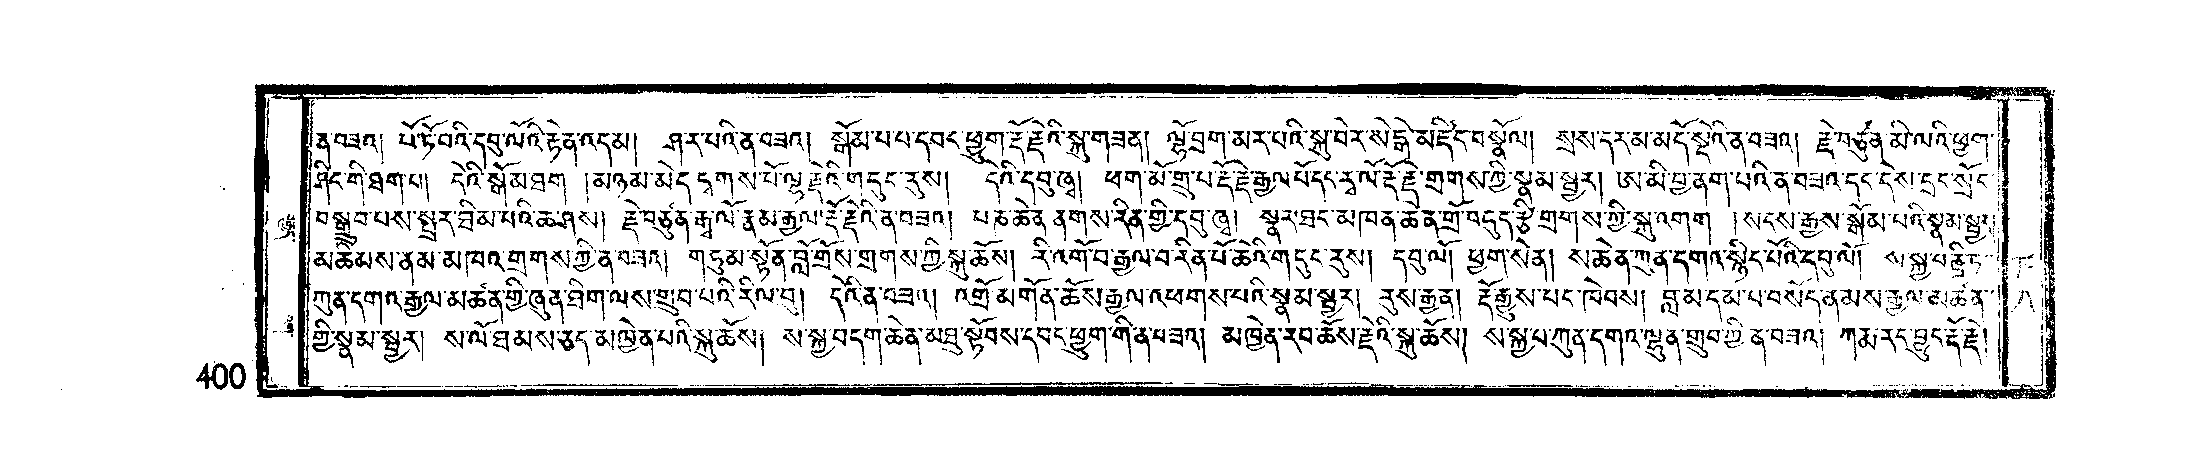ན་བཟའ། པོ་ཏོ་བའི་དབུ་ལོའི་རྟེན་འདམ། ཤ་ར་པའི་ན་བཟའ། སྒོམ་པ་པ་དབང་ཕྱུག་རྡོ་རྗེའི་སྐུ་གཟན། ལྷོ་བྲག་མར་པའི་སྐུ་བེར་སེངྒེ་མཛིང་བསྣོལ། སྲས་དར་མ་མདོ་སྡེའི་ན་བཟའ། རྗེ་བཙུན་མི་ལའི་ཕྱག་
ཤིང་གི་ཐག་པ། དེའི་སྒོམ་ཐག །མཉམ་མེད་དྭགས་པོ་ལྷ་རྗེའི་གདུང་རུས། དེའི་དབུ་ཞྭ། ཕག་མོ་གྲུ་པ་རྡོ་རྗེ་རྒྱལ་པོ་དང་རྭ་ལོ་རྡོ་རྗེ་གྲགས་ཀྱི་སྣམ་སྦྱར། ཨ་མི་བྱ་ནག་པའི་ན་བཟའ་དང་དེས་དྲང་སྲོང་
བསྒྲུབ་པས་སྤྲར་ཐིམ་པའི་ཆ་ཤས། རྗེ་བཙུན་རྒྭ་ལོ་རྣམ་རྒྱལ་རྡོ་རྗེའི་ན་བཟའ། པཎ་ཆེན་ནགས་རིན་གྱི་དབུ་ཞྭ། སྣར་ཐང་མཁན་ཆེན་གྲོ་བདུད་རྩི་གྲགས་ཀྱི་སྐུ་འགག །སངས་རྒྱས་སྒོམ་པའི་སྣམ་སྦྱར་
མཆིམས་ནམ་མཁའ་གྲགས་ཀྱི་ན་བཟའ། གཏུམ་སྟོན་བློ་གྲོས་གྲགས་ཀྱི་སྐུ་ཆོས། རི་འགོ་བ་རྒྱལ་བ་རིན་པོ་ཆེའི་གདུང་རུས། དབུ་ལོ། ཕྱག་སེན། ས་ཆེན་ཀུན་དགའ་སྙིང་པོའི་དབུ་ལོ། ས་སྐྱ་པཎྜི་ཏ་
ཀུན་དགའ་རྒྱལ་མཚན་གྱི་ཞུན་ཐིག་ལས་གྲུབ་པའི་རིལ་བུ། དེའི་ན་བཟའ། འགྲོ་མགོན་ཆོས་རྒྱལ་འཕགས་པའི་སྣམ་སྦྱར། རུས་རྒྱན། རྡོ་རྒྱུས་པང་ཁེབས། བླ་མ་དམ་པ་བསོད་ནམས་རྒྱལ་མཚན་
གྱི་སྣམ་སྦྱར། ས་ལོ་ཐམས་ཅད་མཁྱེན་པའི་སྐུ་ཆོས། ས་སྐྱ་བདག་ཆེན་མཐུ་སྟོབས་དབང་ཕྱུག་གི་ན་བཟའ། མཁྱེན་རབ་ཆོས་རྗེའི་སྐུ་ཆོས། ས་སྐྱ་པ་ཀུན་དགའ་ལྷུན་གྲུབ་ཀྱི་ན་བཟའ། ཀརྨ་རང་བྱུང་རྡོ་རྗེ།